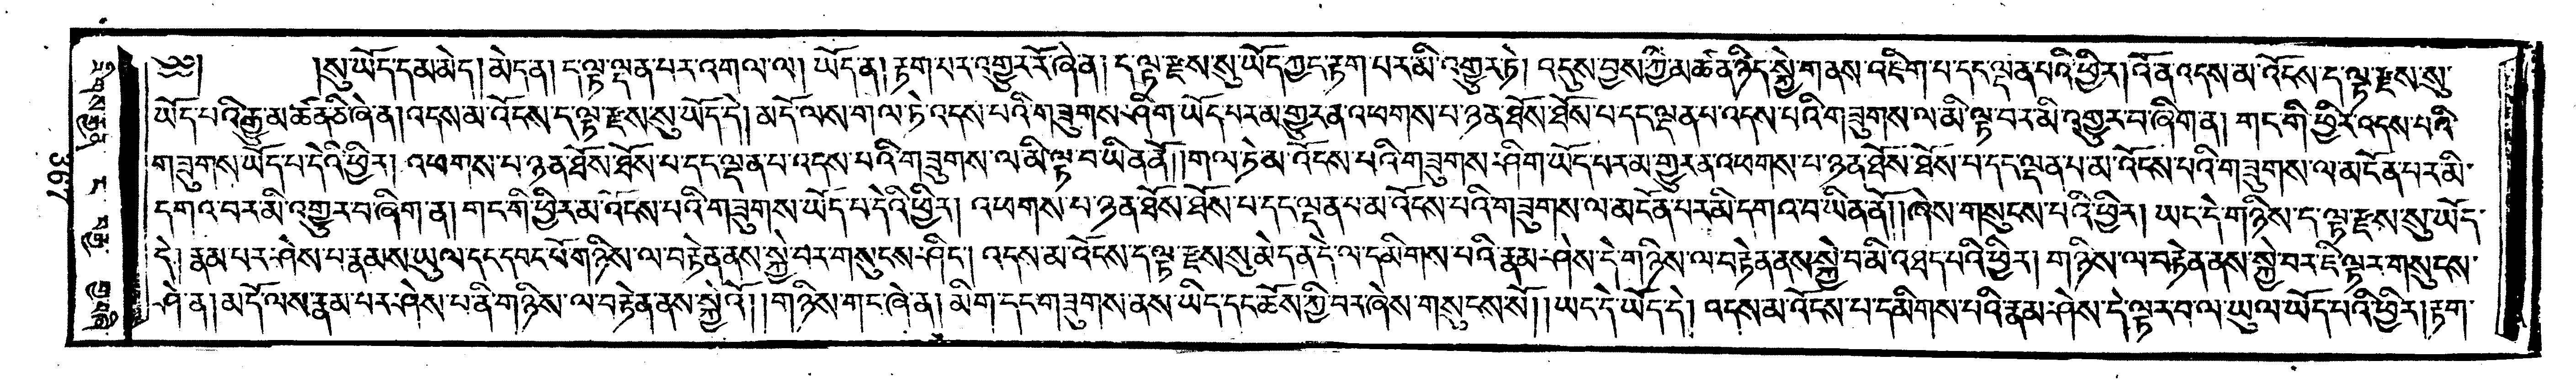༄༅། །སུ་ཡོད་དམ་མེད། མེད་ན། ད་ལྟ་ལྡན་པར་འགལ་ལ། ཡོད་ན། རྟག་པར་འགྱུར་རོ་ཞེ་ན། ད་ལྟ་རྫས་སུ་ཡོད་ཀྱང་རྟག་པར་མི་འགྱུར་ཏེ། འདུས་བྱས་ཀྱི་མཚན་ཉིད་སྐྱེ་གནས་འཇིག་པ་དང་ལྡན་པའི་ཕྱིར། འོ་ན་འདས་མ་འོངས་ད་ལྟ་རྫས་སུ་
ཡོད་པའི་རྒྱུ་མཚན་ཅི་ཞེ་ན། འདས་མ་འོངས་ད་ལྟ་རྫས་སུ་ཡོད་དེ། མདོ་ལས་གལ་ཏེ་འདས་པའི་གཟུགས་ཤིག་ཡོད་པར་མ་གྱུར་ན་འཕགས་པ་ཉན་ཐོས་ཐོས་པ་དང་ལྡན་པ་འདས་པའི་གཟུགས་ལ་མི་ལྟ་བར་མི་འགྱུར་བ་ཞིག་ན། གང་གི་ཕྱིར་འདས་པའི་
གཟུགས་ཡོད་པ་དེའི་ཕྱིར། འཕགས་པ་ཉན་ཐོས་ཐོས་པ་དང་ལྡན་པ་འདས་པའི་གཟུགས་ལ་མི་ལྟ་བ་ཡིན་ནོ། །གལ་ཏེ་མ་འོངས་པའི་གཟུགས་ཤིག་ཡོད་པར་མ་གྱུར་ན་འཕགས་པ་ཉན་ཐོས་ཐོས་པ་དང་ལྡན་པ་མ་འོངས་པའི་གཟུགས་ལ་མངོན་པར་མི་
དགའ་བར་མི་འགྱུར་བ་ཞིག་ན། གང་གི་ཕྱིར་མ་འོངས་པའི་གཟུགས་ཡོད་པ་དེའི་ཕྱིར། འཕགས་པ་ཉན་ཐོས་ཐོས་པ་དང་ལྡན་པ་མ་འོངས་པའི་གཟུགས་ལ་མངོན་པར་མི་དགའ་བ་ཡིན་ནོ། །ཞེས་གསུངས་པའི་ཕྱིར། ཡང་དེ་གཉིས་ད་ལྟ་རྫས་སུ་ཡོད་
དེ། རྣམ་པར་ཤེས་པ་རྣམས་ཡུལ་དང་དབང་པོ་གཉིས་ལ་བརྟེན་ནས་སྐྱེ་བར་གསུངས་ཤིང་། འདས་མ་འོངས་ད་ལྟ་རྫས་སུ་མེད་ན་དེ་ལ་དམིགས་པའི་རྣམ་ཤེས་དེ་གཉིས་ལ་བརྟེན་ནས་སྐྱེ་བ་མི་འཐད་པའི་ཕྱིར། གཉིས་ལ་བརྟེན་ནས་སྐྱེ་བར་ཇི་ལྟར་གསུངས་
ཤེ་ན། མདོ་ལས་རྣམ་པར་ཤེས་པ་ནི་གཉིས་ལ་བརྟེན་ནས་སྐྱེའོ། །གཉིས་གང་ཞེ་ན། མིག་དང་གཟུགས་ནས་ཡིད་དང་ཆོས་ཀྱི་བར་ཞེས་གསུངས་སོ། །ཡང་དེ་ཡོད་དེ། འདས་མ་འོངས་པ་དམིགས་པའི་རྣམ་ཤེས་ད་ལྟར་བ་ལ་ཡུལ་ཡོད་པའི་ཕྱིར། རྟགས་